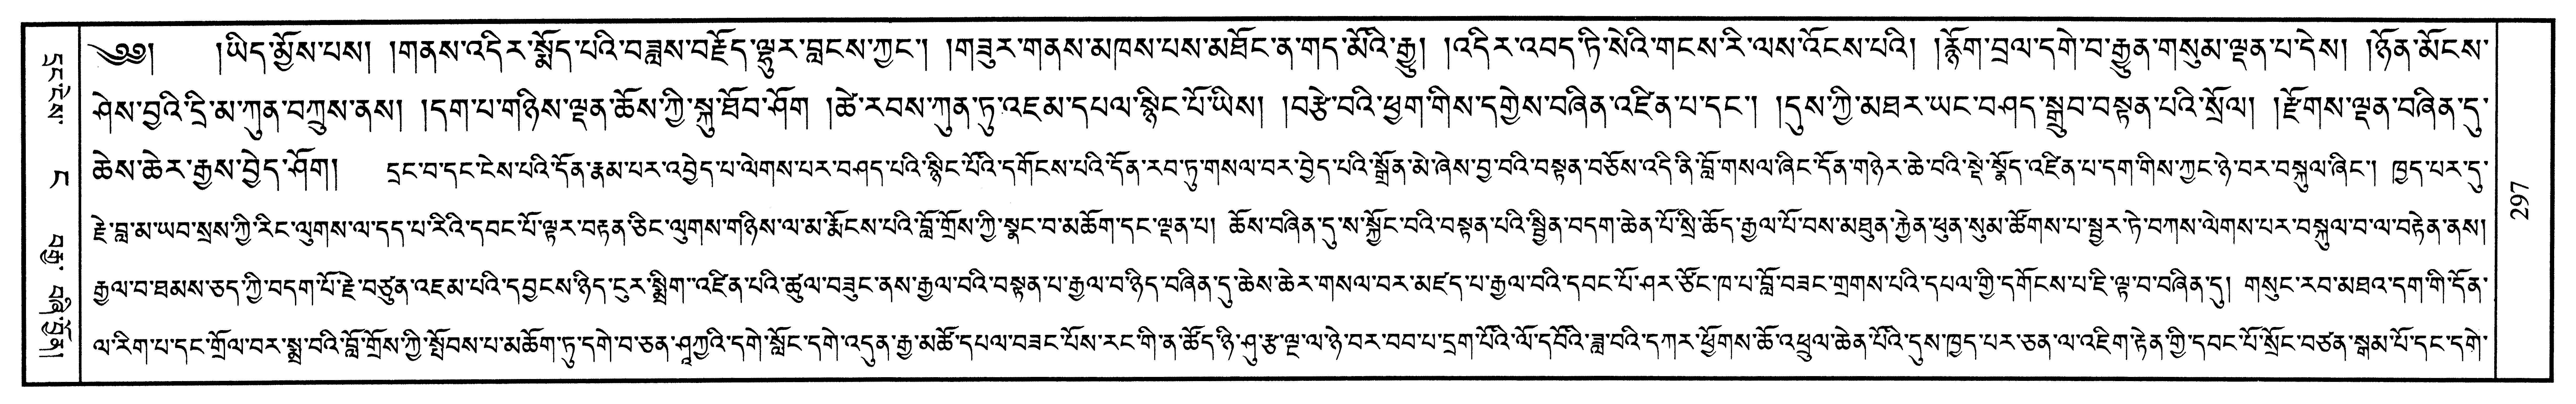༄༅། །ཡིད་མྱོས་པས། །གནས་འདིར་སྨོད་པའི་བཟླས་བརྗོད་ལྷུར་བླངས་ཀྱང་། །གཟུར་གནས་མཁས་པས་མཐོང་ན་གད་མོའི་རྒྱུ། །འདིར་འབད་ཏི་སེའི་གངས་རི་ལས་འོངས་པའི། །རྙོག་བྲལ་དགེ་བ་རྒྱུན་གསུམ་ལྡན་པ་དེས། །ཉོན་མོངས་
ཤེས་བྱའི་དྲི་མ་ཀུན་བཀྲུས་ནས། །དག་པ་གཉིས་ལྡན་ཆོས་ཀྱི་སྐུ་ཐོབ་ཤོག །ཚེ་རབས་ཀུན་ཏུ་འཇམ་དཔལ་སྙིང་པོ་ཡིས། །བརྩེ་བའི་ཕྱག་གིས་དགྱེས་བཞིན་འཛིན་པ་དང་། །དུས་ཀྱི་མཐར་ཡང་བཤད་སྒྲུབ་བསྟན་པའི་སྲོལ། །རྫོགས་ལྡན་བཞིན་དུ་
ཆེས་ཆེར་རྒྱས་བྱེད་ཤོག། དྲང་བ་དང་ངེས་པའི་དོན་རྣམ་པར་འབྱེད་པ་ལེགས་པར་བཤད་པའི་སྙིང་པོའི་དགོངས་པའི་དོན་རབ་ཏུ་གསལ་བར་བྱེད་པའི་སྒྲོན་མེ་ཞེས་བྱ་བའི་བསྟན་བཅོས་འདི་ནི་བློ་གསལ་ཞིང་དོན་གཉེར་ཆེ་བའི་སྡེ་སྣོད་འཛིན་པ་དག་གིས་ཀྱང་ཉེ་བར་བསྐུལ་ཞིང་། ཁྱད་པར་དུ་
རྗེ་བླ་མ་ཡབ་སྲས་ཀྱི་རིང་ལུགས་ལ་དད་པ་རིའི་དབང་པོ་ལྟར་བརྟན་ཅིང་ལུགས་གཉིས་ལ་མ་རྨོངས་པའི་བློ་གྲོས་ཀྱི་སྣང་བ་མཆོག་དང་ལྡན་པ། ཆོས་བཞིན་དུ་ས་སྐྱོང་བའི་བསྟན་པའི་སྦྱིན་བདག་ཆེན་པོ་སྲི་ཆོད་རྒྱལ་པོ་བས་མཐུན་རྐྱེན་ཕུན་སུམ་ཚོགས་པ་སྦྱར་ཏེ་བཀས་ལེགས་པར་བསྐུལ་བ་ལ་བརྟེན་ནས།
རྒྱལ་བ་ཐམས་ཅད་ཀྱི་བདག་པོ་རྗེ་བཙུན་འཇམ་པའི་དབྱངས་ཉིད་ངུར་སྨྲིག་འཛིན་པའི་ཚུལ་བཟུང་ནས་རྒྱལ་བའི་བསྟན་པ་རྒྱལ་བ་ཉིད་བཞིན་དུ་ཆེས་ཆེར་གསལ་བར་མཛད་པ་རྒྱལ་བའི་དབང་པོ་ཤར་ཙོང་ཁ་པ་བློ་བཟང་གྲགས་པའི་དཔལ་གྱི་དགོངས་པ་ཇི་ལྟ་བ་བཞིན་དུ། གསུང་རབ་མཐའ་དག་གི་དོན་
ལ་རིག་པ་དང་གྲོལ་བར་སྨྲ་བའི་བློ་གྲོས་ཀྱི་སྤོབས་པ་མཆོག་ཏུ་དགེ་བ་ཅན་ཤཱཀྱའི་དགེ་སློང་དགེ་འདུན་རྒྱ་མཚོ་དཔལ་བཟང་པོས་རང་གི་ན་ཚོད་ཉི་ཤུ་རྩ་ལྔ་ལ་ཉེ་བར་བབ་པ་དྲག་པོའི་ལོ་དབོའི་ཟླ་བའི་དཀར་ཕྱོགས་ཆོ་འཕྲུལ་ཆེན་པོའི་དུས་ཁྱད་པར་ཅན་ལ་འཇིག་རྟེན་གྱི་དབང་པོ་སྲོང་བཙན་སྒམ་པོ་དང་དགེ་